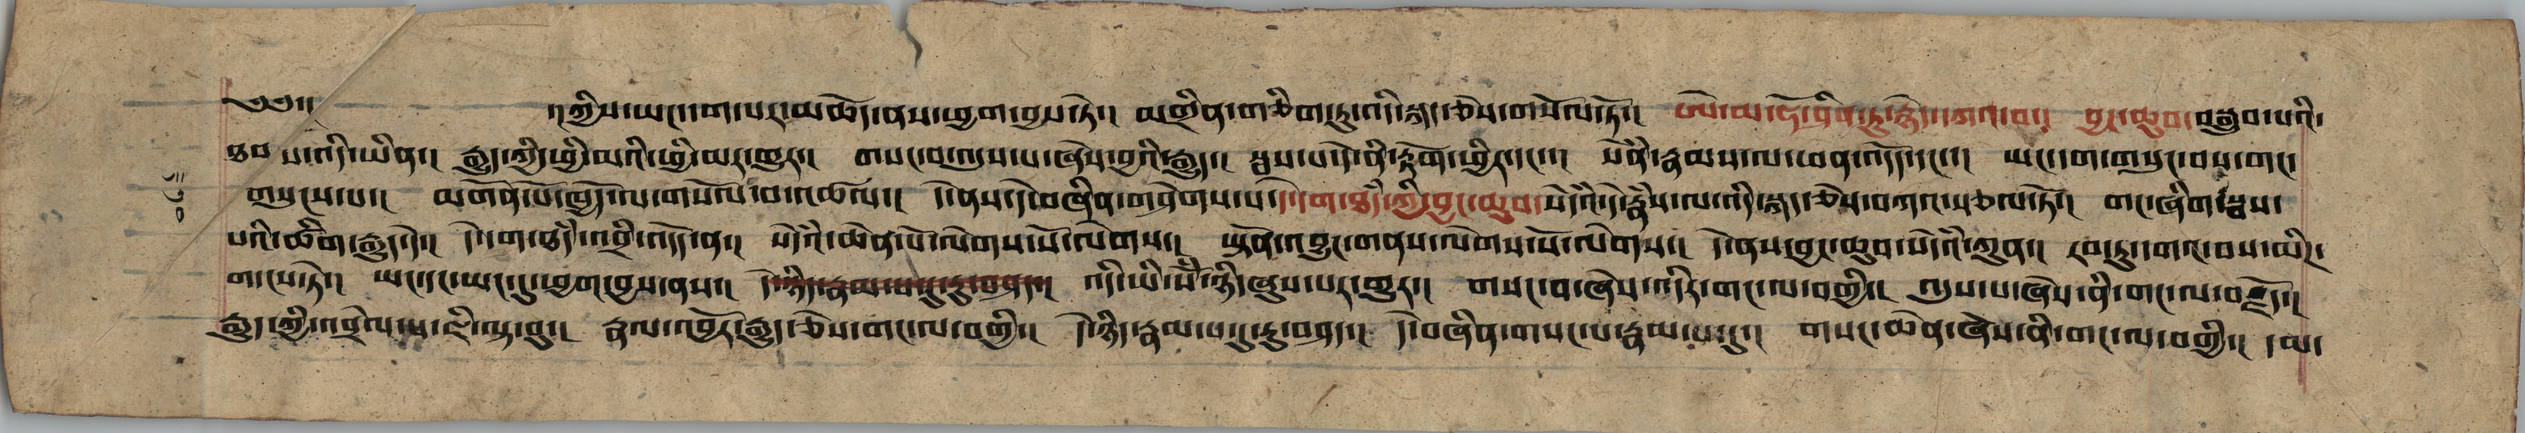༄༅་། ་།ཀྱིས་ཡང་དག་པར་མཆོད་ནས་ཕྱག་བྱས་ཏེ་། མགྲིན་གཅིག་ཏུ་འདི་སྐད་ཅེས་གསོལ་ཏོ་། ཨེ་མ་ཧོ་ཤིན་ཏུ་རྙེད་དཀའ་བ་། བྱང་ཆུབ་བསྒྲུབ་པའི་
ཐབ ས་འདི་ཡིན་། རྒྱུད་ཀྱི་ཕྱི་མའི་ཕྱི་མར་གྱུར་། གསང་བ་འདུས་པ་ཞེས་བྱའི་རྒྱུད་། སྦས་པ་དེ་ནི་རྟོག་ཕྱིར་དང་་། སེཾན་རྣམས་ལ་ཕན་འདོད་དང་་། ཡང་དག་གསུང་བས་གང་
གསུངས་པ་། མགོན་པོ་ཁྱོད་ལ་གསོལ་བ་འཚལ་། དེ་ནས་དེ་བཞིན་གཤེགས་པ་དེ་དག་ཐདཾ་ཀྱི་བྱང་ཆུབ་སེདཾའ་དེ་རྣཾས་ལ་འདི་སྐད་ཅེས་བཀའ་སྩལ་ཏོ་། གང་ཞིག་སྦས་
པའི་ཚིག་རྒྱུད་དེ་། དེ་དག་ཐདཾ་འབྲི་འདོད་ན་། སེདཾའ་ཆེན་པོ་ལེགས་སོ་ལེགས་། ཡྟོན་འབྱུང་གནས་ལེགས་སོ་ལེགས་། དེ་ནས་བྱང་ཆུབ་སེདཾའ་ཀུན་། རབ་ཏུ་དགའ་བས་དམིཌ་
གདངས་ཏེ་། ཡང་དང་ཡང་དུ་ཕྱག་བྱས་ནས་། དེ་ཉིད་རྣམ་པ་དུ་རུ་བཤད་། འདི་ཡི་སོཾ་ཉི་ཞུས་པར་གྱུར་། གསང་བ་ཞེས་འདིར་གང་ལ་བགྱི་། འདུས་པ་ཞེས་ནི་གང་ལ་བརྗོད་།
རྒྱུད་ཀྱི་འབྲེལ་པ་ཇི་ལྟ་བུ་། རྣལ་འབྱོར་རྒྱུད་ཅེས་གང་ལ་བགྱི་། དེ་ཉིད་རྣམ་པ་དུ་རུ་བཤད་། དེ་བཞིན་གསང་པ་རྣམ་པ་དུ་། གསང་ཆེན་ཞེས་ནི་གང་ལ་བགྱི་། དམ་